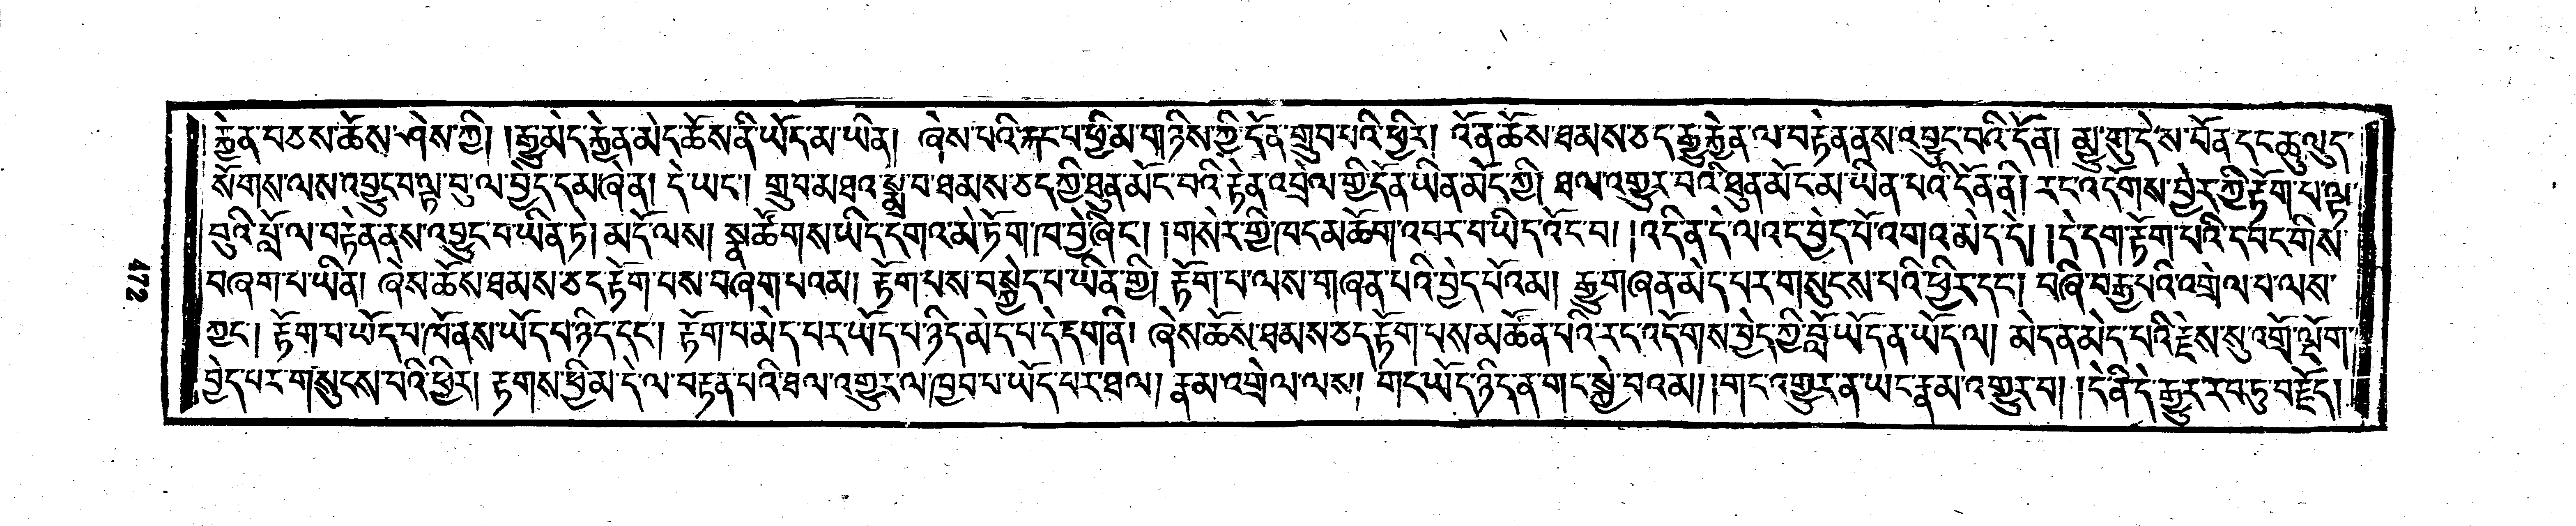རྐྱེན་བཅས་ཆོས་ཤེས་ཀྱི། །རྒྱུ་མེད་རྐྱེན་མེད་ཆོས་ནི་ཡོད་མ་ཡིན། ཞེས་པའི་རྐང་པ་ཕྱི་མ་གཉིས་ཀྱི་དོན་གྲུབ་པའི་ཕྱིར། འོ་ན་ཆོས་ཐམས་ཅད་རྒྱུ་རྐྱེན་ལ་བརྟེན་ནས་འབྱུང་བའི་དོན། མྱུ་གུ་དེ་ས་བོན་དང་ཆུ་ལུད་
སོགས་ལས་འབྱུང་བ་ལྟ་བུ་ལ་བྱེད་དམ་ཞེ་ན། དེ་ཡང་། གྲུབ་མཐའ་སྨྲ་བ་ཐམས་ཅད་ཀྱི་ཐུན་མོང་བའི་རྟེན་འབྲེལ་གྱི་དོན་ཡིན་མོད་ཀྱི། ཐལ་འགྱུར་བའི་ཐུན་མོང་མ་ཡིན་པའི་དོན་ནི། རང་འདོགས་བྱེད་ཀྱི་རྟོག་པ་ལྟ་
བུའི་བློ་ལ་བརྟེན་ནས་འབྱུང་བ་ཡིན་ཏེ། མདོ་ལས། སྣ་ཚོགས་ཡིད་དགའ་མེ་ཏོག་ཁ་བྱེ་ཞིང་། །གསེར་གྱི་ཁང་མཆོག་འབར་བ་ཡིད་འོང་བ། །འདི་ན་དེ་ལའང་བྱེད་པོ་འགའ་མེད་དེ། །དེ་དག་རྟོག་པའི་དབང་གིས་
བཞག་པ་ཡིན། ཞེས་ཆོས་ཐམས་ཅད་རྟོག་པས་བཞག་པའམ། རྟོག་པས་བསྐྱེད་པ་ཡིན་གྱི། རྟོག་པ་ལས་གཞན་པའི་བྱེད་པོའམ། རྒྱུ་གཞན་མེད་པར་གསུངས་པའི་ཕྱིར་དང་། བཞི་བརྒྱ་པའི་འགྲེལ་པ་ལས་
ཀྱང་། རྟོག་པ་ཡོད་པ་ཁོ་ནས་ཡོད་པ་ཉིད་དང་། རྟོག་པ་མེད་པར་ཡོད་པ་ཉིད་མེད་པ་དེ་དག་ནི། ཞེས་ཆོས་ཐམས་ཅད་རྟོག་པས་མཚོན་པའི་རང་འདོགས་བྱེད་ཀྱི་བློ་ཡོད་ན་ཡོད་ལ། མེད་ན་མེད་པའི་རྗེས་སུ་འགྲོ་ལྡོག་
བྱེད་པར་གསུངས་པའི་ཕྱིར། རྟགས་ཕྱི་མ་དེ་ལ་བརྟེན་པའི་ཐལ་འགྱུར་ལ་ཁྱབ་པ་ཡོད་པར་ཐལ། རྣམ་འགྲེལ་ལས། གང་ཡོད་ཉིད་ན་གང་སྐྱེ་བའམ། །གང་འགྱུར་ན་ཡང་རྣམ་འགྱུར་བ། །དེ་ནི་དེ་རྒྱུར་རབ་ཏུ་བརྗོད།